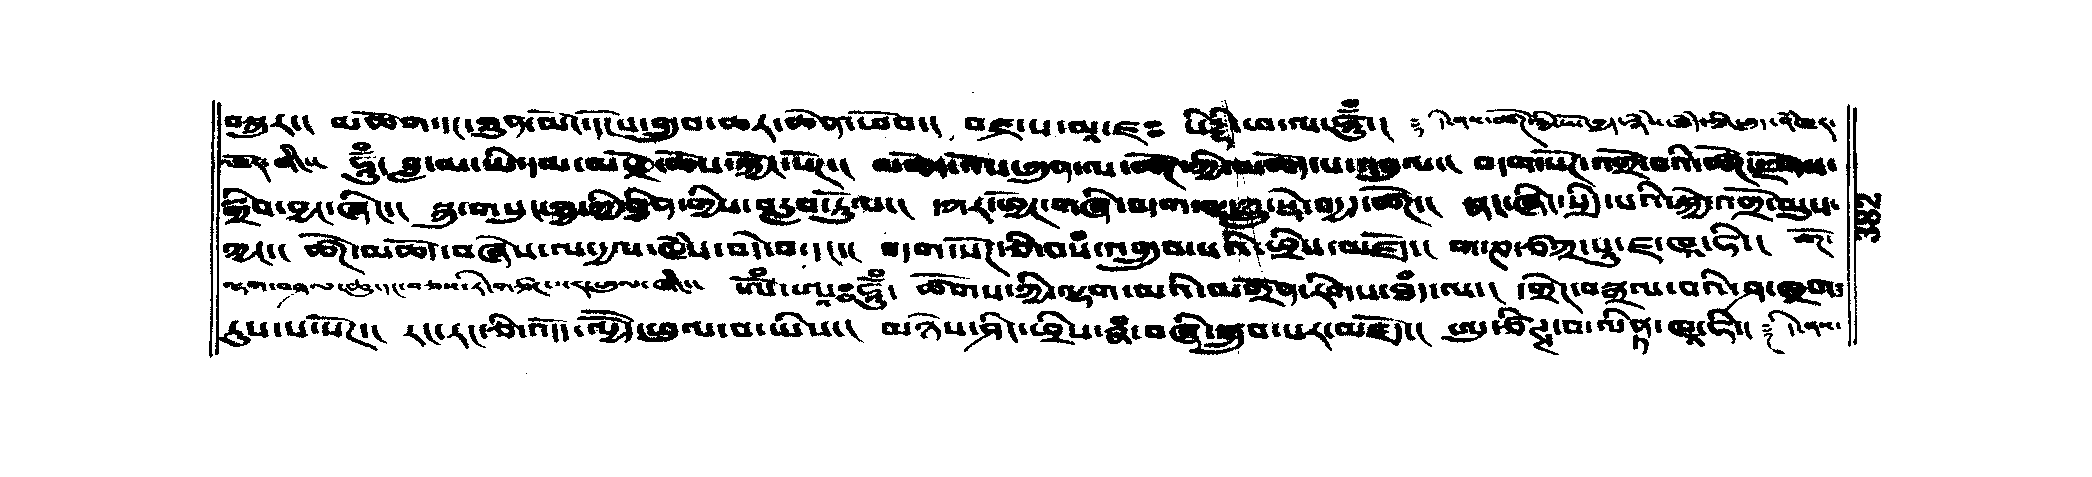བསྐུར། །མཆོག་དང་ཐུན་མོང་དངོས་གྲུབ་ཆར་ཆེན་ཕོབ། །བཛྲ་ས་མཱ་ཛཿ སིདྡྷི་ཕ་ལ་ཧཱུྂ། ༈ དེ་ནས་ཚོགས་ཀྱི་ཡོ་བྱད་རྣམས་ཐམས་ཅད་ཀྱི་ཕུད་ནམ་མཁར་
འཐོར་ཞིང་། ཧཱུྂ། བླ་མ་ཡི་དམ་མཁའ་འགྲོ་ཆོས་སྐྱོང་སོགས། །མཆོད་འོས་ཀུན་ལ་ཚོགས་ཀྱི་མཆོད་པ་འབུལ། །བདག་སོགས་འགྲོ་བའི་ཚོགས་རྫོགས་
སྒྲིབ་སྦྱང་ཞིང་། །སྐུ་གསུང་ཐུགས་ཀྱི་བྱིན་གྱིས་བརླབ་ཏུ་གསོལ། །དཀར་ཕྱོགས་གཞི་བདག་ལྷ་ཀླུ་སྡེ་བརྒྱད་ཚོགས། །སྣང་ཞིང་སྲིད་པའི་སྐྱེ་འགྲོ་མ་ལུས་
ཀྱང་། །ཚོགས་མཆོད་བཞེས་ལ་རྒྱལ་ཁམས་བདེ་བ་དང་། །བདག་སོགས་ཅི་བསམ་འགྲུབ་པའི་ཕྲིན་ལས་མཛོད། །ག་ཎ་ཙཀྲ་པུ་ཛ་ཁཱ་ཧི། ཚོགས་
གཏོར་བཤལ་ཆུ་བཅས་ཏེ་གཙང་སར་ཕུལ་ཞིང་།ཨོྃ་ཨཱ་ཧཱུྃ། ཚོགས་ཀྱི་ལྷག་མའི་མགྲོན་རིགས་ཐམས་ཅད་ལ། །དགྲ་གེགས་བསྒྲལ་བའི་ཤ་ཁྲག་
རུས་པ་སོགས། །རང་རང་ཅི་འདོད་ལོངས་སྤྱོད་ཕུལ་བ་ཡིས། །མཉེས་ཤིང་ཕྲིན་ལས་རྣམ་བཞི་སྒྲུབ་པར་མཛོད། །ཨུ་ཙིཏྟ་བ་ལིནྟ་ཁཱ་ཧི། ༈ དེ་ནས་